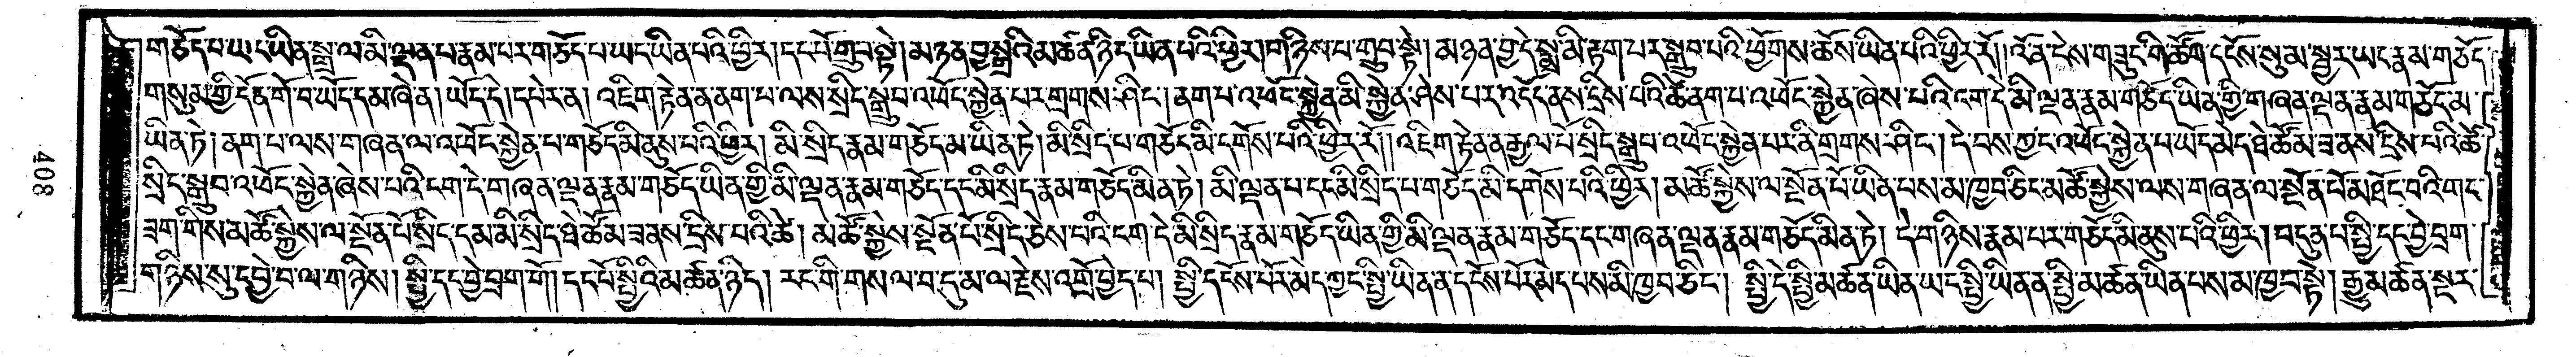གཅོད་པ་ཡང་ཡིན་སྒྲ་ལ་མི་ལྡན་པ་རྣམ་པར་གཅོད་པ་ཡང་ཡིན་པའི་ཕྱིར། དང་པོ་གྲུབ་སྟེ། མཉན་བྱ་སྒྲའི་མཚན་ཉིད་ཡིན་པའི་ཕྱིར། གཉིས་པ་གྲུབ་སྟེ། མཉན་བྱ་དེ་སྒྲ་མི་རྟག་པར་སྒྲུབ་པའི་ཕྱོགས་ཆོས་ཡིན་པའི་ཕྱིར་རོ། །འོ་ན་ངེས་གཟུང་གི་ཚིག་དངོས་སུ་མ་སྦྱར་ཡང་རྣམ་གཅོད་
གསུམ་གྱི་དོན་གོ་བ་ཡོད་དམ་ཞེ་ན། ཡོད་དེ། དཔེར་ན། འཇིག་རྟེན་ན་ནག་པ་ལས་སྲིད་སྒྲུབ་འཕོང་སྐྱེན་པར་གྲགས་ཤིང་། ནག་པ་འཕོང་སྐྱེན་མི་སྐྱེན་ཤེས་པར་འདོད་ནས་དྲིས་པའི་ཚེ་ནག་པ་འཕོང་སྐྱེན་ཞེས་པའི་ངག་དེ་མི་ལྡན་རྣམ་གཅོད་ཡིན་གྱི་གཞན་ལྡན་རྣམ་གཅོད་མ་
ཡིན་ཏེ། ནག་པ་ལས་གཞན་ལ་འཕོང་སྐྱེན་པ་གཅོད་མི་ནུས་པའི་ཕྱིར། མི་སྲིད་རྣམ་གཅོད་མ་ཡིན་ཏེ། མི་སྲིད་པ་གཅོད་མི་དགོས་པའི་ཕྱིར་རོ། །འཇིག་རྟེན་ན་རྒྱལ་པོ་སྲིད་སྒྲུབ་འཕོང་སྐྱེན་པར་ནི་གྲགས་ཤིང་། དེ་བས་ཀྱང་འཕོང་སྐྱེན་པ་ཡོད་མེད་ཐེ་ཚོམ་ཟ་ནས་དྲེས་པའི་ཚེ་
སྲིད་སྒྲུབ་འཕོང་སྐྱེན་ཞེས་པའི་ངག་དེ་གཞན་ལྡན་རྣམ་གཅོད་ཡིན་གྱི་མི་ལྡན་རྣམ་གཅོད་དང་མི་སྲིད་རྣམ་གཅོད་མིན་ཏེ། མི་ལྡན་པ་དང་མི་སྲིད་པ་གཅོད་མི་དགོས་པའི་ཕྱིར། མཚོ་སྐྱེས་ལ་སྔོན་པོ་ཡིན་པས་མ་ཁྱབ་ཅིང་མཚོ་སྐྱེས་ལས་གཞན་ལ་སྔོན་པོ་མཐོང་བའི་གང་
ཟག་གིས་མཚོ་སྐྱེས་ལ་སྔོན་པོ་སྲིད་དམ་མི་སྲིད་ཐེ་ཚོམ་ཟ་ནས་དྲིས་པའི་ཚེ། མཚོ་སྐྱེས་སྔོན་པོ་སྲིད་ཅེས་པའི་ངག་དེ་མི་སྲིད་རྣམ་གཅོད་ཡིན་གྱི་མི་ལྡན་རྣམ་གཅོད་དང་གཞན་ལྡན་རྣམ་གཅོད་མིན་ཏེ། དེ་གཉིས་རྣམ་པར་གཅོད་མི་ནུས་པའི་ཕྱིར། བདུན་པ་སྤྱི་དང་བྱེ་བྲག་
གཉིས་སུ་དབྱེ་བ་ལ་གཉིས། སྤྱི་དང་བྱེ་བྲག་གོ །དང་པོ་སྤྱིའི་མཚན་ཉིད། རང་གི་གསལ་བ་དུ་མ་ལ་རྗེས་འགྲོ་བྱེད་པ། སྤྱི་དངོས་པོར་མེད་ཀྱང་སྤྱི་ཡིན་ན་དངོས་པོར་མེད་པས་མི་ཁྱབ་ཅིང་། སྤྱི་དེ་སྤྱི་མཚན་ཡིན་ཡང་སྤྱི་ཡིན་ན་སྤྱི་མཚན་ཡིན་པས་མ་ཁྱབ་སྟེ། རྒྱུ་མཚན་སྔར་